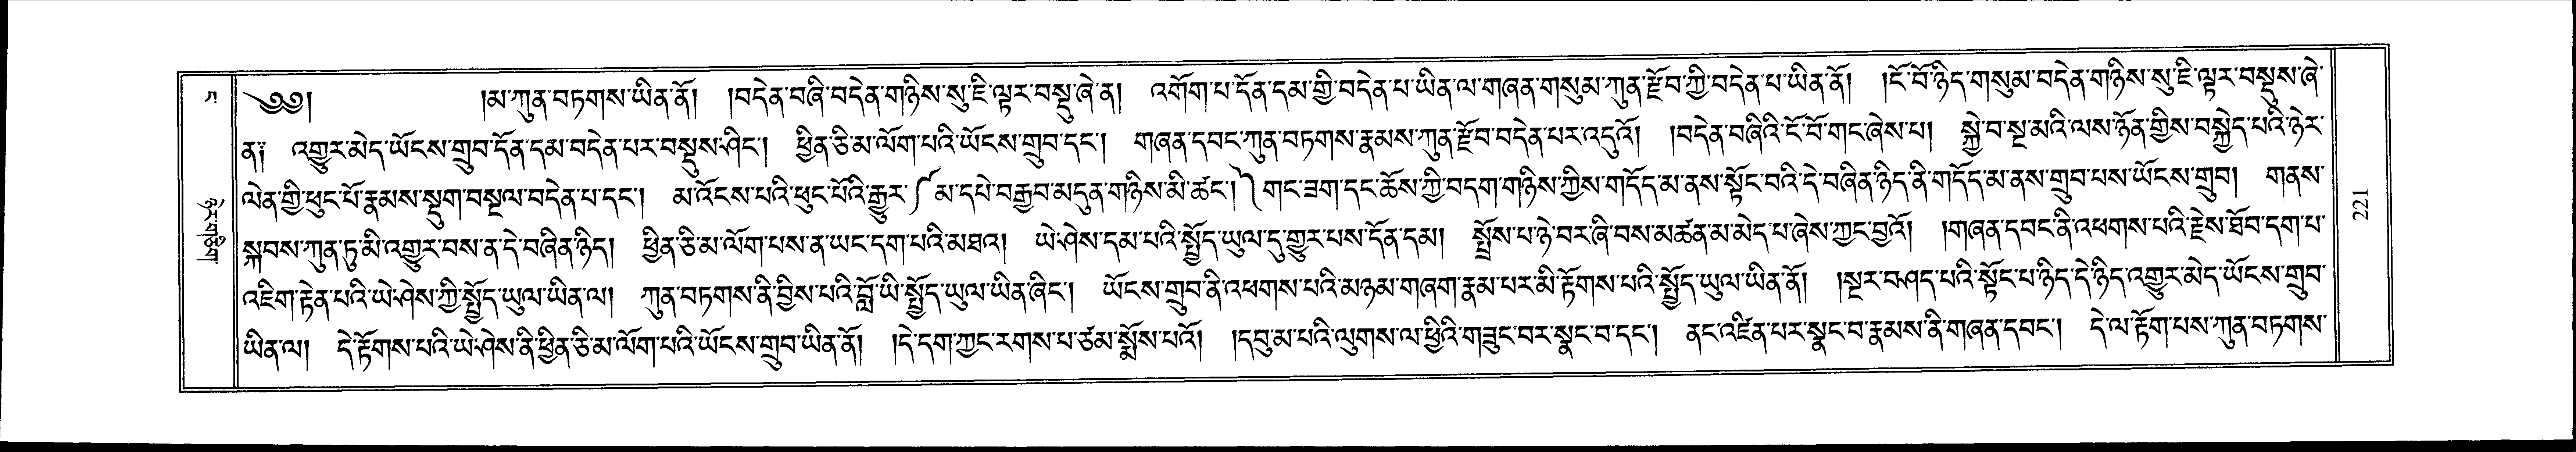༄༅། །མ་ཀུན་བཏགས་ཡིན་ནོ། །བདེན་བཞི་བདེན་གཉིས་སུ་ཇི་ལྟར་བསྡུ་ཞེ་ན། འགོག་པ་དོན་དམ་གྱི་བདེན་པ་ཡིན་ལ་གཞན་གསུམ་ཀུན་རྫོབ་ཀྱི་བདེན་པ་ཡིན་ནོ། །ངོ་བོ་ཉིད་གསུམ་བདེན་གཉིས་སུ་ཇི་ལྟར་བསྡུས་ཞེ་
ན། འགྱུར་མེད་ཡོངས་གྲུབ་དོན་དམ་བདེན་པར་བསྡུས་ཤིང་། ཕྱིན་ཅི་མ་ལོག་པའི་ཡོངས་གྲུབ་དང་། གཞན་དབང་ཀུན་བཏགས་རྣམས་ཀུན་རྫོབ་བདེན་པར་འདུའོ། །བདེན་བཞིའི་ངོ་བོ་གང་ཞེས་པ། སྐྱེ་བ་སྔ་མའི་ལས་ཉོན་གྱིས་བསྐྱེད་པའི་ཉེར་
ལེན་གྱི་ཕུང་པོ་རྣམས་སྡུག་བསྔལ་བདེན་པ་དང་། མ་འོངས་པའི་ཕུང་པོའི་རྒྱུར་མ་དཔེ་བརྒྱབ་མདུན་གཉིས་མི་ཚང་།  གང་ཟག་དང་ཆོས་ཀྱི་བདག་གཉིས་ཀྱིས་གདོད་མ་ནས་སྟོང་བའི་དེ་བཞིན་ཉིད་ནི་གདོད་མ་ནས་གྲུབ་པས་ཡོངས་གྲུབ། གནས་
སྐབས་ཀུན་ཏུ་མི་འགྱུར་བས་ན་དེ་བཞིན་ཉིད། ཕྱིན་ཅི་མ་ལོག་པས་ན་ཡང་དག་པའི་མཐའ། ཡེ་ཤེས་དམ་པའི་སྤྱོད་ཡུལ་དུ་གྱུར་པས་དོན་དམ། སྤྲོས་པ་ཉེ་བར་ཞི་བས་མཚན་མ་མེད་པ་ཞེས་ཀྱང་བྱའོ། །གཞན་དབང་ནི་འཕགས་པའི་རྗེས་ཐོབ་དག་པ་
འཇིག་རྟེན་པའི་ཡེ་ཤེས་ཀྱི་སྤྱོད་ཡུལ་ཡིན་ལ། ཀུན་བཏགས་ནི་བྱིས་པའི་བློ་ཡི་སྤྱོད་ཡུལ་ཡིན་ཞིང་། ཡོངས་གྲུབ་ནི་འཕགས་པའི་མཉམ་གཞག་རྣམ་པར་མི་རྟོགས་པའི་སྤྱོད་ཡུལ་ཡིན་ནོ། །སྔར་བཤད་པའི་སྟོང་པ་ཉིད་དེ་ཉིད་འགྱུར་མེད་ཡོངས་གྲུབ་
ཡིན་ལ། དེ་རྟོགས་པའི་ཡེ་ཤེས་ནི་ཕྱིན་ཅི་མ་ལོག་པའི་ཡོངས་གྲུབ་ཡིན་ནོ། །དེ་དག་ཀྱང་རགས་པ་ཙམ་སྨོས་པའོ། །དབུ་མ་པའི་ལུགས་ལ་ཕྱིའི་གཟུང་བར་སྣང་བ་དང་། ནང་འཛིན་པར་སྣང་བ་རྣམས་ནི་གཞན་དབང་། དེ་ལ་རྟོག་པས་ཀུན་བཏགས་